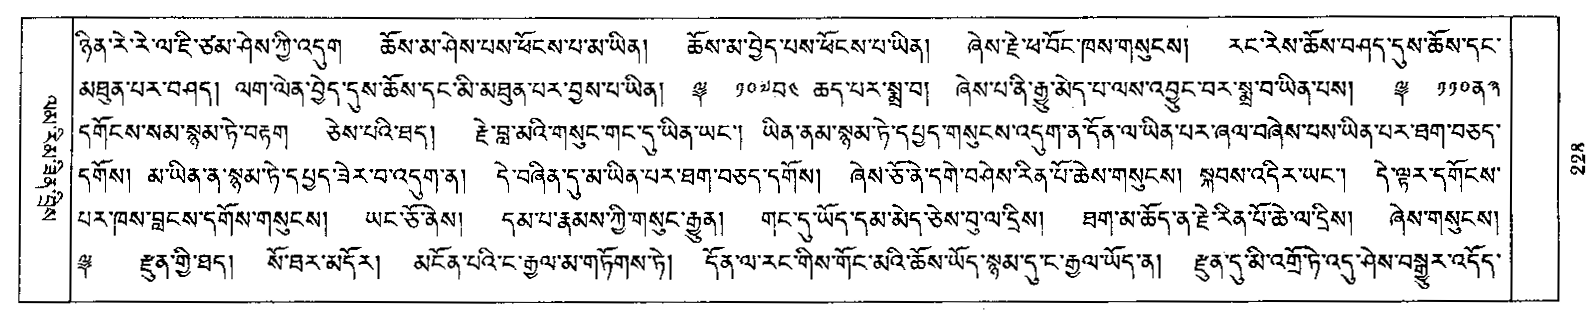ཉིན་རེ་རེ་ལ་ཇི་ཙམ་ཤེས་ཀྱི་འདུག་ཆོས་མ་ཤེས་པས་ཕོངས་པ་མ་ཡིན། ཆོས་མ་བྱེད་པས་ཕོངས་པ་ཡིན། ཞེས་རྗེ་ཕ་བོང་ཁས་གསུངས། རང་རེས་ཆོས་བཤད་དུས་ཆོས་དང་
མཐུན་པར་བཤད། ལག་ལེན་བྱེད་དུས་ཆོས་དང་མི་མཐུན་པར་བྱས་པ་ཡིན། ༈ ༡༠༧་བ ༤་ཆད་པར་སྨྲ་བ། ཞེས་པ་ནི་རྒྱུ་མེད་པ་ལས་འབྱུང་བར་སྨྲ་བ་ཡིན་པས། ༈ ༡༡༠་ན ༣
དགོངས་སམ་སྙམ་ཏེ་བརྟག་ཅེས་པའི་ཐད། རྗེ་བླ་མའི་གསུང་གང་དུ་ཡིན་ཡང་། ཡིན་ནམ་སྙམ་ཏེ་དཔྱད་གསུངས་འདུག་ན་དོན་ལ་ཡིན་པར་ཞལ་བཞེས་པས་ཡིན་པར་ཐག་བཅད་
དགོངས། མ་ཡིན་ན་སྙམ་ཏེ་དཔྱད་ཟེར་བ་འདུག་ན། དེ་བཞིན་དུ་མ་ཡིན་པར་ཐག་བཅད་དགོས། ཞེས་ཅོ་ནེ་དགེ་བཤེས་རིན་པོ་ཆེས་གསུངས། སྐབས་འདིར་ཡང་། དེ་ལྟར་དགོངས་
པར་ཁས་བླངས་དགོས་གསུངས། ཡང་ཅོ་ནེས། དམ་པ་རྣམས་ཀྱི་གསུང་རྒྱུན། གང་དུ་ཡོད་དམ་མེད་ཅེས་བུ་ལ་དྲིས། ཐག་མ་ཆོད་ན་རྗེ་རིན་པོ་ཆེ་ལ་དྲིས། ཞེས་གསུངས།
༈ རྫུན་གྱི་ཐད། སོ་ཐར་མདོར། མངོན་པའི་ང་རྒྱལ་མ་གཏོགས་ཏེ། དོན་ལ་རང་གིས་གོང་མའི་ཆོས་ཡོད་སྙམ་དུ་ང་རྒྱལ་ཡོད་ན། རྫུན་དུ་མི་འགྲོ་ཏེ་འདུ་ཤེས་བསྒྱུར་འདོད་